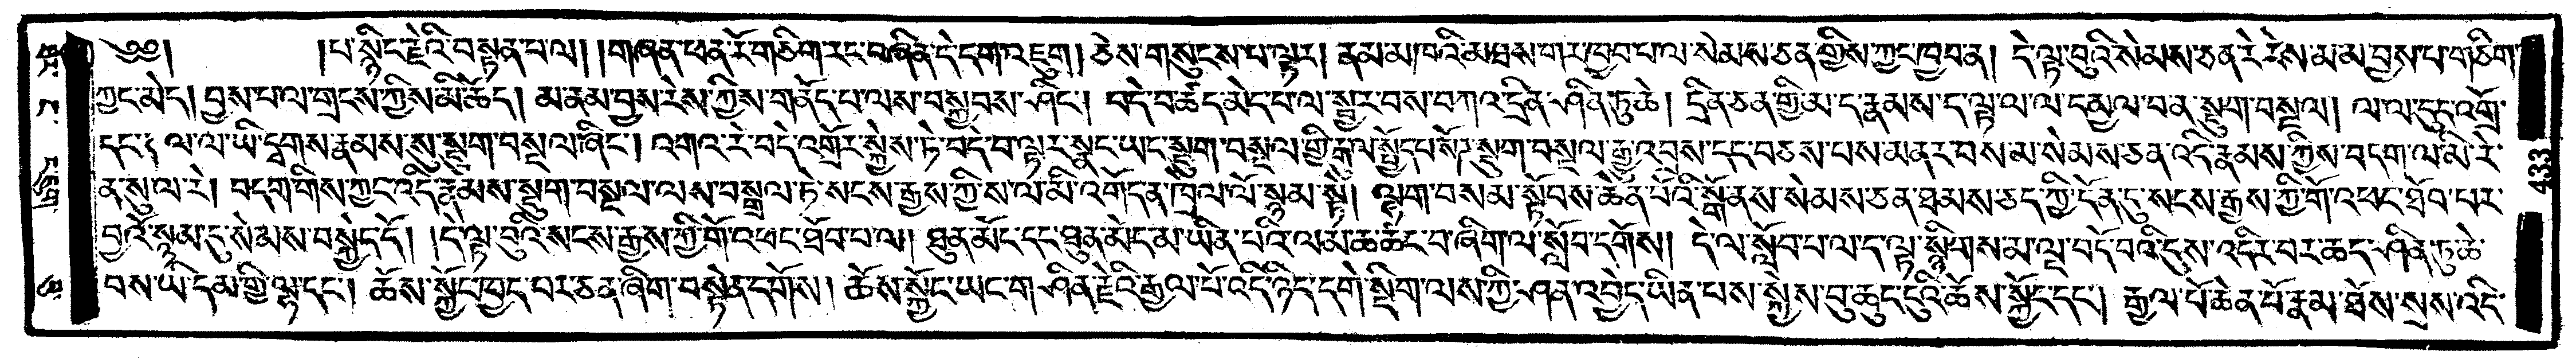༄༅། །པ་སྙིང་རྗེའི་བསྟན་པ་ལ། །གཞན་ཕན་རོ་གཅིག་རང་བཞིན་དེ་དག་འཇུག །ཅེས་གསུངས་པ་ལྟར། ནམ་མཁའི་མཐས་གར་ཁྱབ་པ་ལ་སེམས་ཅན་གྱིས་ཀྱང་ཁྱབ་ན། དེ་ལྟ་བུའི་སེམས་ཅན་རེ་རེས་མ་མ་བྱས་པ་གཅིག་
ཀྱང་མེད། བྱས་པ་ལ་གྲངས་ཀྱིས་མི་ཆོད། མ་ནམ་བྱས་རེས་ཀྱིས་གནོད་པ་ལས་བསྐྱབས་ཤིང་། བདེ་བ་ཚད་མེད་པ་ལ་སྦྱར་བས་བཀའ་དྲིན་ཤིན་ཏུ་ཆེ། དྲིན་ཅན་གྱི་མ་ད་རྣམས་ད་ལྟ་ལ་ལ་དམྱལ་བ་ན་སྡུག་བསྔལ། ལ་ལ་དུད་འགྲོ་
དང་། ལ་ལ་ཡི་དྭགས་རྣམས་སུ་སྡུག་བསྔལ་ཞིང་། འགའ་རེ་བདེ་འགྲོར་སྐྱེས་ཏེ་བདེ་བ་ལྟར་སྣང་ཡང་སྡུག་བསྔལ་གྱི་རྒུ་ལ་སྤྱོད་པ་སོགས་སྡུག་བསྔལ་རྒྱུ་འབྲས་དང་བཅས་པས་མནར་བས་མ་སེམས་ཅན་འདི་རྣམས་ཀྱིས་བདག་ལ་མི་རེ་
ན་སུ་ལ་རེ། བདག་གིས་ཀྱང་འདི་རྣམས་སྡུག་བསྔལ་ལས་བསྒྲལ་ཏེ་སངས་རྒྱས་ཀྱི་ས་ལ་མི་འགོད་ན་ཁྲེལ་ལོ་སྙམ་སྟེ། ལྷག་བསམ་སྟོབས་ཆེན་པོའི་སྒོ་ནས་སེམས་ཅན་ཐམས་ཅད་ཀྱི་དོན་དུ་སངས་རྒྱས་ཀྱི་གོ་འཕང་ཐོབ་པར་
བྱའོ་སྙམ་དུ་སེམས་བསྐྱེད་དོ། །དེ་ལྟ་བུའི་སངས་རྒྱས་ཀྱི་གོ་འཕང་ཐོབ་པ་ལ། ཐུན་མོང་དང་ཐུན་མོང་མ་ཡིན་པའི་ལམ་ཆ་ཚང་བ་ཞིག་ལ་སློབ་དགོས། དེ་ལ་སློབ་པ་ལ་ད་ལྟ་སྙིགས་མ་ལྔ་བདོ་བའི་དུས་འདིར་བར་ཆད་ཤིན་ཏུ་ཆེ་
བས་ཡི་དམ་གྱི་ལྷ་དང་། ཆོས་སྐྱོང་ཁྱད་པར་ཅན་ཞིག་བསྟེན་དགོས། ཆོས་སྐྱོང་ཡང་གཤིན་རྗེའི་རྒྱལ་པོ་འདི་ཉིད་དགེ་སྡིག་ལས་ཀྱི་ཤན་འབྱེད་ཡིན་པས་སྐྱེས་བུ་ཆུང་ངུའི་ཆོས་སྐྱོང་དང་། རྒྱལ་པོ་ཆེན་པོ་རྣམ་ཐོས་སྲས་འདི་